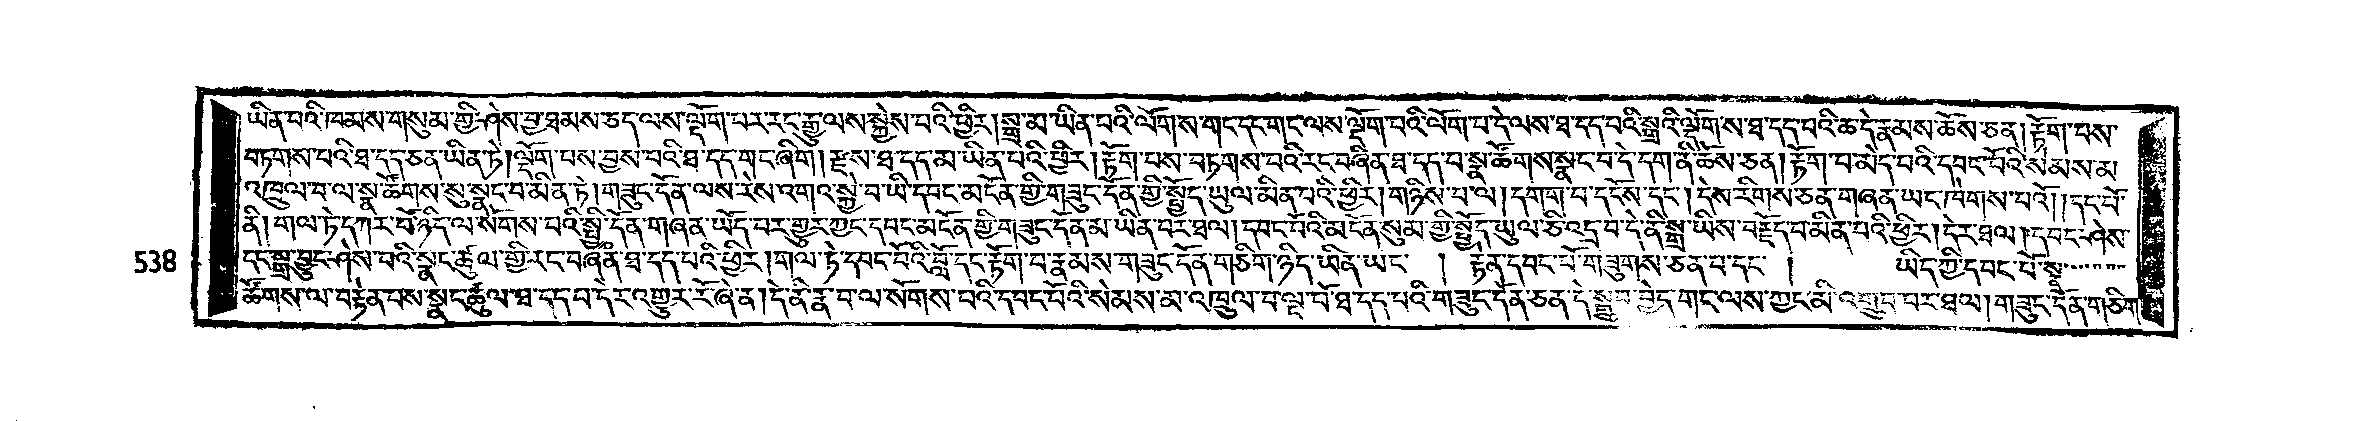ཡིན་པའི་ཁམས་གསུམ་གྱི་ཤེས་བྱ་ཐམས་ཅད་ལས་ལྡོག་པར་རང་རྒྱུ་ལས་སྐྱེས་པའི་ཕྱིར། སྒྲ་མ་ཡིན་པའི་ལོགས་གང་དང་གང་ལས་ལྡོག་པའི་ལོག་པ་དེ་ལས་ཐ་དད་པའི་སྒྲའི་ལྡོག་ས་ཐ་དད་པའི་ཆ་དེ་རྣམས་ཆོས་ཅན། རྟོག་པས་
བཏགས་པའི་ཐ་དད་ཅན་ཡིན་ཏེ། ལྡོག་པས་བྱས་པའི་ཐ་དད་གང་ཞིག །རྫས་ཐ་དད་མ་ཡིན་པའི་ཕྱིར། རྟོག་པས་བཏགས་པའི་རང་བཞིན་ཐ་དད་པ་སྣ་ཚོགས་སྣང་བ་དེ་དག་ནི་ཆོས་ཅན། རྟོག་པ་མེད་པའི་དབང་པོའི་སེམས་མ་
འཁྲུལ་བ་ལ་སྣ་ཚོགས་སུ་སྣང་བ་མིན་ཏེ། གཟུང་དོན་ལས་རེས་འགའ་སྐྱེ་བ་ཡི་དབང་མངོན་གྱི་གཟུང་དོན་གྱི་སྤྱོད་ཡུལ་མིན་པའི་ཕྱིར། གཉིས་པ་ལ། དགག་པ་དངོས་དང་། དེས་རིགས་ཅན་གཞན་ཡང་ཁེགས་པའོ། །དང་པོ་
ནི། གལ་ཏེ་དཀར་པོ་ཉིད་ལ་སོགས་པའི་སྤྱི་དོན་གཞན་ཡོད་པར་གྱུར་ཀྱང་དབང་མངོན་གྱི་གཟུང་དོན་མ་ཡིན་པར་ཐལ། དབང་པོའི་མངོན་སུམ་གྱི་སྤྱོད་ཡུལ་ཅི་འདྲ་བ་དེ་ནི་སྒྲ་ཡིས་བརྗོད་པ་མིན་པའི་ཕྱིར། དེར་ཐལ། དབང་ཤེས་
དང་སྒྲ་བྱུང་ཤེས་པའི་སྣང་ཚུལ་གྱི་རང་བཞིན་ཐ་དད་པའི་ཕྱིར། གལ་ཏེ་དབང་པོའི་བློ་དང་རྟོག་པ་རྣམས་གཟུང་དོན་གཅིག་ཉིད་ཡིན་ཡང་། རྟེན་དབང་པོ་གཟུགས་ཅན་པ་དང་། ཡིད་ཀྱི་དབང་པོ་སྣ་
ཚོགས་ལ་བརྟེན་པས་སྣང་ཚུལ་ཐ་དད་པ་དེར་འགྱུར་རོ་ཞེ་ན། དེ་ནི་རྣ་བ་ལ་སོགས་པའི་དབང་པོའི་སེམས་མ་འཁྲུལ་བ་ལྔ་པོ་ཐ་དད་པའི་གཟུང་དོན་ཅན་དེ་སྒྲུབ་བྱེད་གང་ལས་ཀྱང་མི་འགྲུབ་པར་ཐལ། གཟུང་དོན་གཅིག་